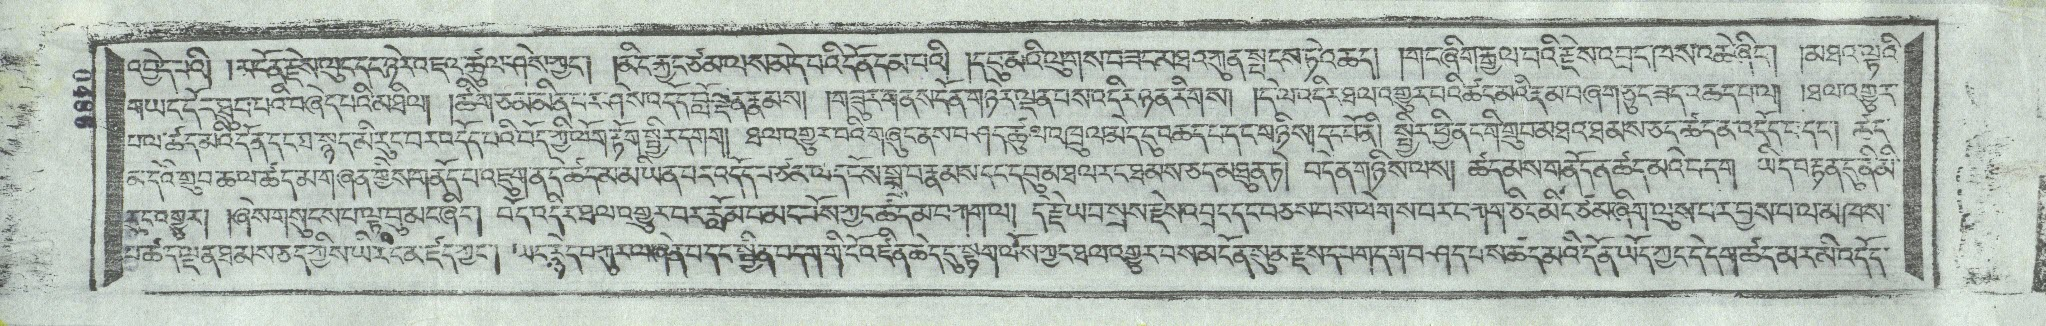འབྱེད་པའི། །མངོན་རྗེས་ལུང་དང་ཉེར་འཇལ་ཚུལ་ཤེས་ཀྱང་། །མིང་རྐྱང་ཙམ་ལས་མེད་པའི་དོན་དམ་པའི། །དབུ་མའི་ལུགས་བཟང་མཐའ་ཀུན་སྤངས་ཏེ་འཆད། །གང་ཞིག་རྒྱལ་བའི་རྗེས་འབྲང་ཁས་འཆེ་ཞིང་། །མཐའ་ལྟའི་
གཡང་དོར་ཐུབ་པའི་བཞེད་པའི་མཐིལ། །ཚིག་ཙམ་མིན་པར་ཤེས་འདོད་བློ་ལྡན་རྣམས། །གཟུར་གནས་དོན་གཉེར་ལྡན་པས་འདིར་ཉན་རིགས། །དེ་ལ་འདིར་ཐལ་འགྱུར་པའི་ཚད་མའི་རྣམ་བཞག་ཅུང་ཟད་འཆད་པ་ལ། །ཐལ་འགྱུར་
པ་ལ་ཚད་མའི་དོན་དང་ཐ་སྙད་མི་རུང་བར་འདོད་པའི་བོད་ཀྱི་ལོག་རྟོག་སྤྱིར་དགག། ཐལ་འགྱུར་བའི་གཞུང་ནས་བཤད་ཚུལ་འཁྲུལ་མེད་དུ་འཆད་པ་དང་གཉིས། དང་པོ་ནི། སྤྱིར་ཕྱི་ནང་གི་གྲུབ་མཐའ་ཐམས་ཅད་ཚད་མ་འདོད་པ་དང་། ཚད་
མ་དེའི་གྲུབ་ཆལ་ཚད་མ་གཞན་གྱིས་གནོད་པ་འཇུག་ན་དེ་ཚད་མ་མ་ཡིན་པར་འདོད་པ་ཙམ་ལ་དངོས་སྨྲ་བ་རྣམས་དང་དབུ་མ་ཐལ་རང་ཐམས་ཅད་མཐུན་ཏེ། བདེན་གཉིས་ལས། ཚད་མས་གནོད་ན་ཚད་མའི་བདག་ཡིད་བརྟན་དུ་ནི་མི་
རུང་འགྱུར། །ཞེས་གསུངས་པ་ལྟ་བུ་མང་ཞིང་། བོད་འདིར་ཐལ་འགྱུར་བར་རློམ་པ་མང་པོས་ཀྱང་ཚད་མ་བཀག་ལ། དེ་རྗེ་ཡབ་སྲས་རྗེས་འབྲང་དང་བཅས་པས་ལེགས་པར་བཀག་ཅིང་མིང་ཙམ་ཞིག་ལུས་པར་བྱས་པ་ལ་མཁས་
པ་ཚད་ལྡན་ཐམས་ཅད་ཀྱིས་ཡི་རིང་མཛད་ཀྱང་། ཡང་རྙེད་བཀུར་ལ་ཞེན་པ་དང་སྦྱིན་བདག་གི་ངོ་འཛིན་ཆེད་དུ་སྟག་ལོས་ཀྱང་ཐལ་འགྱུར་བས་མངོན་སུམ་རྗེས་དཔག་དག་བཤད་པས་ཚད་མའི་དོན་ཡོད་ཀྱང་དེ་དག་ཚད་མར་མི་འདོད་